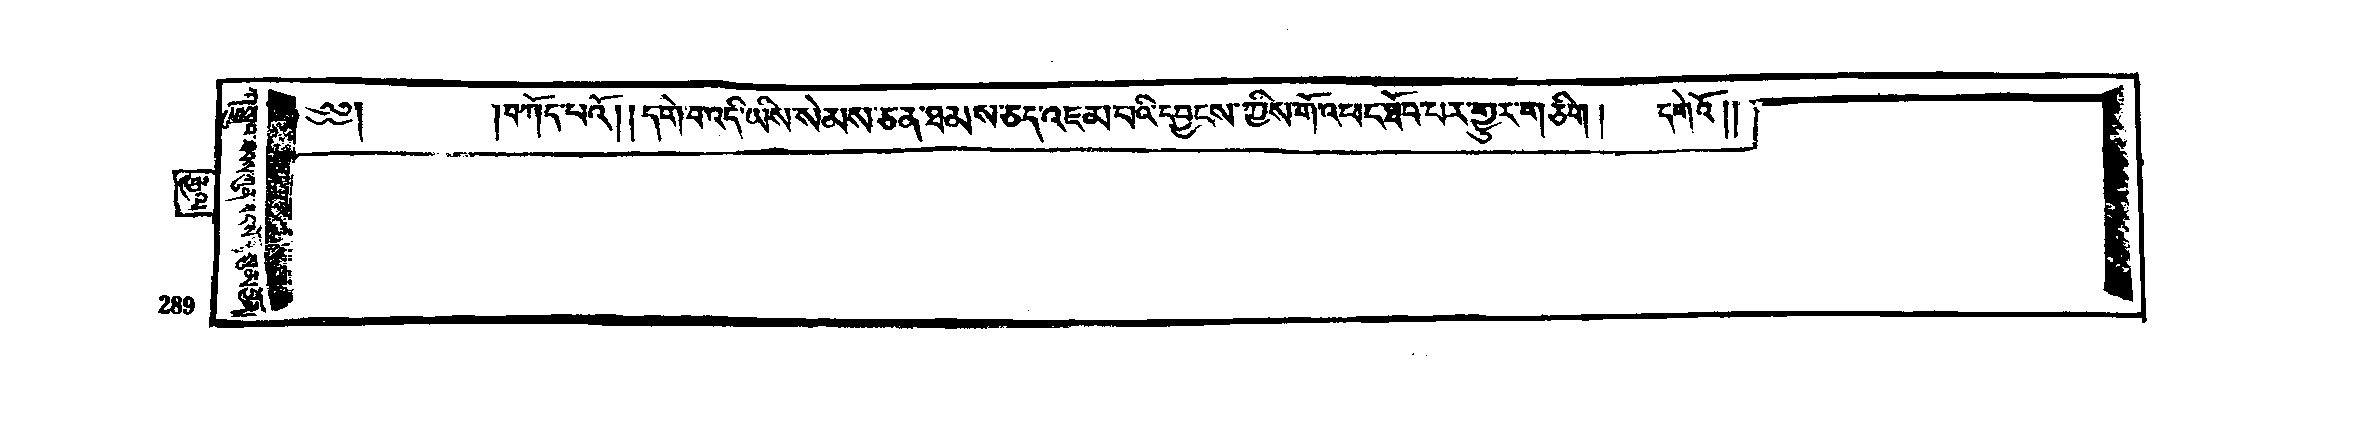༄༅། །བཀོད་པའོ། །དགེ་བ་འདི་ཡིས་སེམས་ཅན་ཐམས་ཅད་འཇམ་པའི་དབྱངས་ཀྱིས་གོ་འཕང་ཐོབ་པར་གྱུར་གཅིག །དགེའོ། །